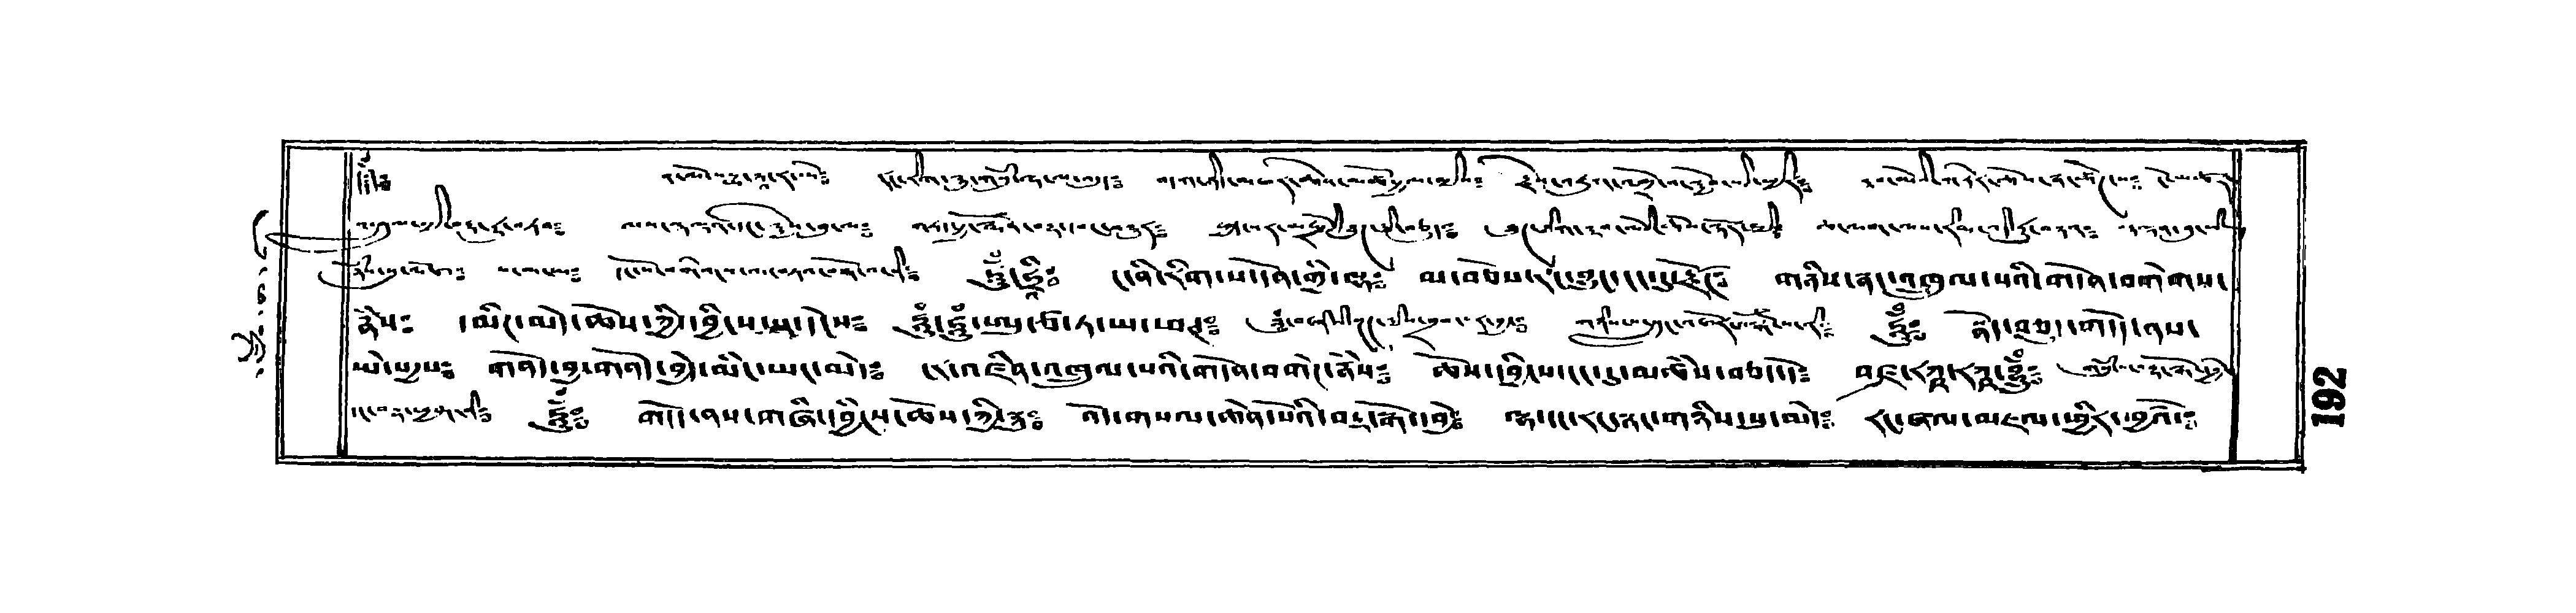ན་མོ་པདྨ་ཀཱ་ར་ཡེ༔ རང་རིག་སྐུ་གསུམ་ལྷ་ལ་འདུད༔ བདག་ཉིད་མཁར་ཆེན་མཚོ་རྒྱལ་གྱིས༔ རྗེས་འཇུག་འགྲོ་བ་སྐྱོབ་པའི་ཕྱིར༔ ཟབ་མོའི་གཏེར་ཆོས་སྣ་ཚོགས་པ༔ ངོ་མཚར་
འཕྲུལ་གྱི་བརྡ་རུ་བཏབ༔ ལས་སྐལ་ལྡན་དང་སྐྱེས་བུ་ལ༔ གཏད་རྒྱ་སྨོན་ལམ་བརྡ་དབང་བསྐུར༔ ཁྱད་པར་མཁའ་འགྲོའི་ཐུགས་ཀྱི་བཅུད༔ ཐུགས་ཐིག་ཟབ་མོའི་ཆོས་སྐོར་གྱི༔ ཆ་ལག་ལས་རིམ་འདི་རུ་བསྟན༔ སྐལ་ལྡན་བུ་ཡིས་
ཉམས་སུ་ལོངས༔ ས་མ་ཡ༔ དང་པོ་བགེགས་ལ་བཀའ་བསྒོ་བ་ནི༔ ཧཱུྃ་ཧྲཱིཿ ང་ནི་རིག་པ་དོན་གྱི་ལྷ༔ མ་བཅོས་རང་བྱུང་ངང་དུ་རྫོགས༔ གཉིས་སྣང་འཁྲུལ་པའི་གདོན་བགེགས་
རྣམས༔ དམིགས་མེད་ཆོས་ཀྱི་དབྱིངས་སུ་དེངས༔ ཧྃའུ་ཧྃའུ་ཨུ་ཙ་ཏ་ཡ་ཕཊ༔ ཧྃའུ་བཞིའི་སྔགས་ཀྱིས་བྲབ་པར་བྱ༔ གཉིས་པ་སྲུང་འཁོར་བསྒོམ་པ་ནི༔ ཧཱུྃ༔ སྣོད་བཅུད་གདོད་ནས་
ཡེ་སངས་རྒྱས༔ གནོད་བྱ་གནོད་བྱེད་མིང་ཡང་མེད༔ ངར་འཛིན་འཁྲུལ་པའི་གདོན་བགེགས་རྣམས༔ ཆོས་དབྱིངས་ངང་དུ་མཚམས་བཅད་དོ༔ བཛྲ་རཀྵ་རཀྵ་བྷྲུྃ༔ གསུམ་པ་བརྡ་སྒོ་དབྱེ་
དང་བརྡ་ཕྱག་ནི༔ ཧཱུྃ༔ གདོད་ནས་གཞི་དབྱིངས་ཆོས་ཀྱི་སྐུ༔ འོད་གསལ་ཆེན་པོའི་བརྡ་སྒོ་དབྱེ༔ ལྷ་དང་རང་སྣང་གཉིས་སུ་མེད༔ རང་ཞལ་མཇལ་ཕྱིར་ཕྱག་འཚལ་ལོ༔